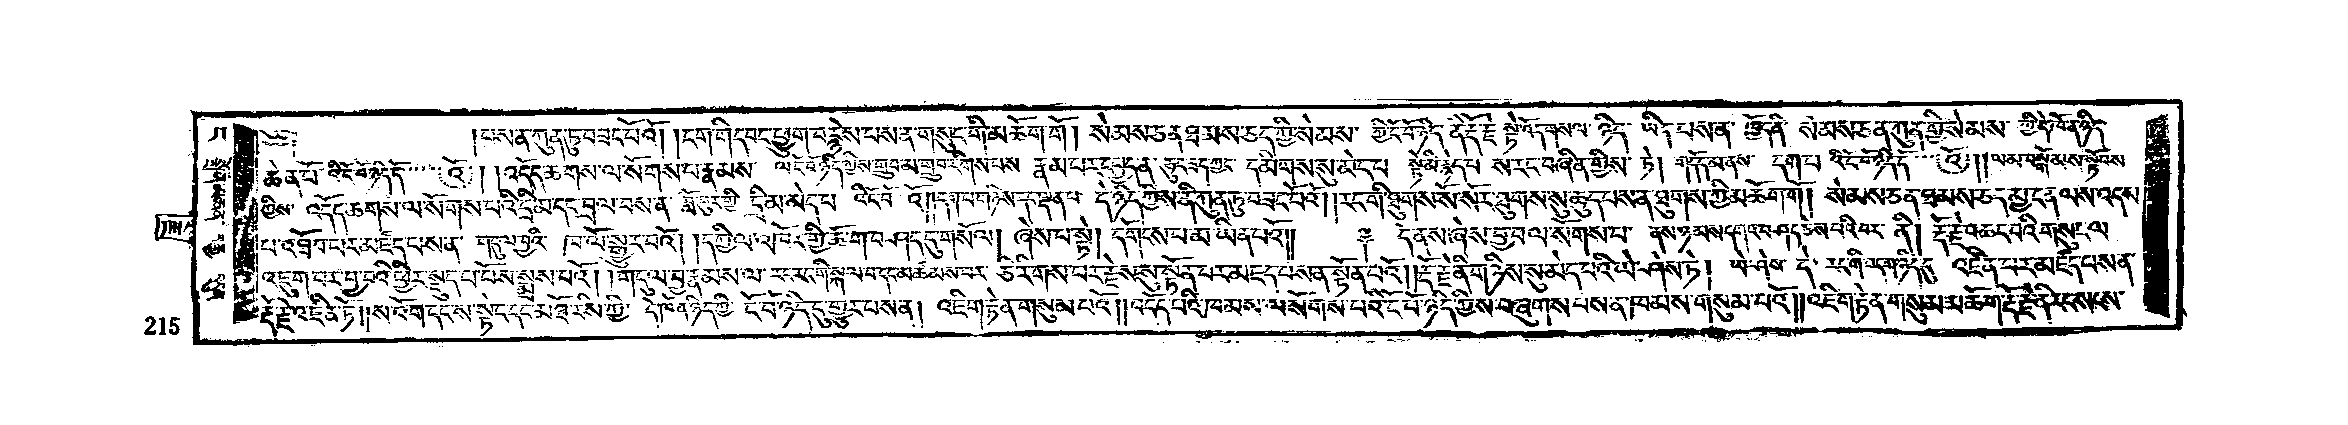༄༅། །པས་ན་ཀུན་ཏུ་བཟང་པོའོ། །ངག་གི་དབང་ཕྱུག་བརྙེས་པས་ན་གསུང་གི་མཆོག་གོ །སེམས་ཅན་ཐམས་ཅད་ཀྱི་སེམས་ཀྱི་ངོ་བོ་ཉིད་ནི་རྡོ་རྗེ་སྟེ་འོད་གསལ་ཉིད་ཡིན་པས་ན་ཁྱོད་ནི་སེམས་ཅན་ཀུན་གྱི་སེམས་ཀྱི་དེ་ཁོ་ན་ཉིད
ཆེན་པོའི་ངོ་བོ་ཉིད་དོ་འོ། །འདོད་ཆགས་ལ་སོགས་པ་རྣམས་ལ་ངོ་བོ་ཉིད་ཀྱིས་གྲུབ་མ་གྲུབ་རིགས་པས་རྣམ་པར་དཔྱད་ན་ཅུང་ཟད་ཀྱང་དམིགས་སུ་མེད་པ་སྟེ་མི་རྙེད་པས་རང་བཞིན་གྱིས་ཏེ། གདོད་མ་ནས་དག་པའི་ངོ་བོ་ཉིད་དོ་འོ། །ལམ་བསྒོམས་སྟོབས་
ཀྱིས་འདོད་ཆགས་ལ་སོགས་པའི་དྲི་མ་དང་བྲལ་བས་ན་བློ་བུར་གྱི་དྲི་མ་མེད་པའི་ངོ་བོའོ།  ། དག་པ་གཉིས་དང་ལྡན་པ་དེ་ཉིད་ཀྱིས་ནི་ཀུན་ཏུ་བཟང་པོའོ། །རང་གི་ཐུགས་སོ་སོར་ཐུགས་སུ་ཆུད་པས་ན་ཐུགས་ཀྱི་མཆོག་གོ །སེམས་ཅན་ཐམས་ཅད་མྱ་ངན་ལས་འདས་
པ་འཐོབ་པར་མཛད་པས་ན་གདུལ་བྱའི་ཁ་ལོ་སྒྱུར་བའོ། །དཀྱིལ་འཁོར་གྱི་ཆོ་ག་བཤད་དུ་གསོལ། ཞེས་པ་སྟེ། དགོངས་པ་མ་ཡིན་པའོ།། ༈ དེ་ནས་ཞེས་བྱ་བ་ལ་སོགས་པ་ནས་ཉམས་དགའ་བཤད་ཅེས་པའི་བར་ནི། རྡོ་རྗེ་འཆང་བའི་གསུང་ལ་
འཇུག་པར་བྱ་བའི་ཕྱིར་སྡུད་པ་པོས་སྨྲས་པའོ། །གདུལ་བྱ་རྣམས་ལ་རང་རང་གི་སྐལ་བ་དང་མཚམས་པར་ཅི་རིགས་པར་རྗེས་སུ་སྟོན་པར་མཛད་པས་ན་སྟོན་པའོ། །རྡོ་རྗེ་ནི་གཉིས་སུ་མེད་པའི་ཡེ་ཤེས་ཏེ། ཡེ་ཤེས་དེ་རང་གི་བདག་ཉིད་དུ་འཛིན་པར་མཛད་པས་ན་
རྡོ་རྗེ་འཛིན་ཏོ། །ས་འོག་དང་ས་སྟེང་དང་མཐོ་རིས་ཀྱི་དེ་ཁོ་ན་ཉིད་ཀྱི་ངོ་བོ་ཉིད་དུ་གྱུར་པས་ན། འཇིག་རྟེན་གསུམ་པའོ། །འདོད་པའི་ཁམས་ལ་སོགས་པའི་ངོ་བོ་ཉིད་ཀྱིས་བཞུགས་པས་ན་ཁམས་གསུམ་པའོ། །འཇིག་རྟེན་གསུམ་མཆོག་རྡོ་རྗེ་ནི་རང་སངས་